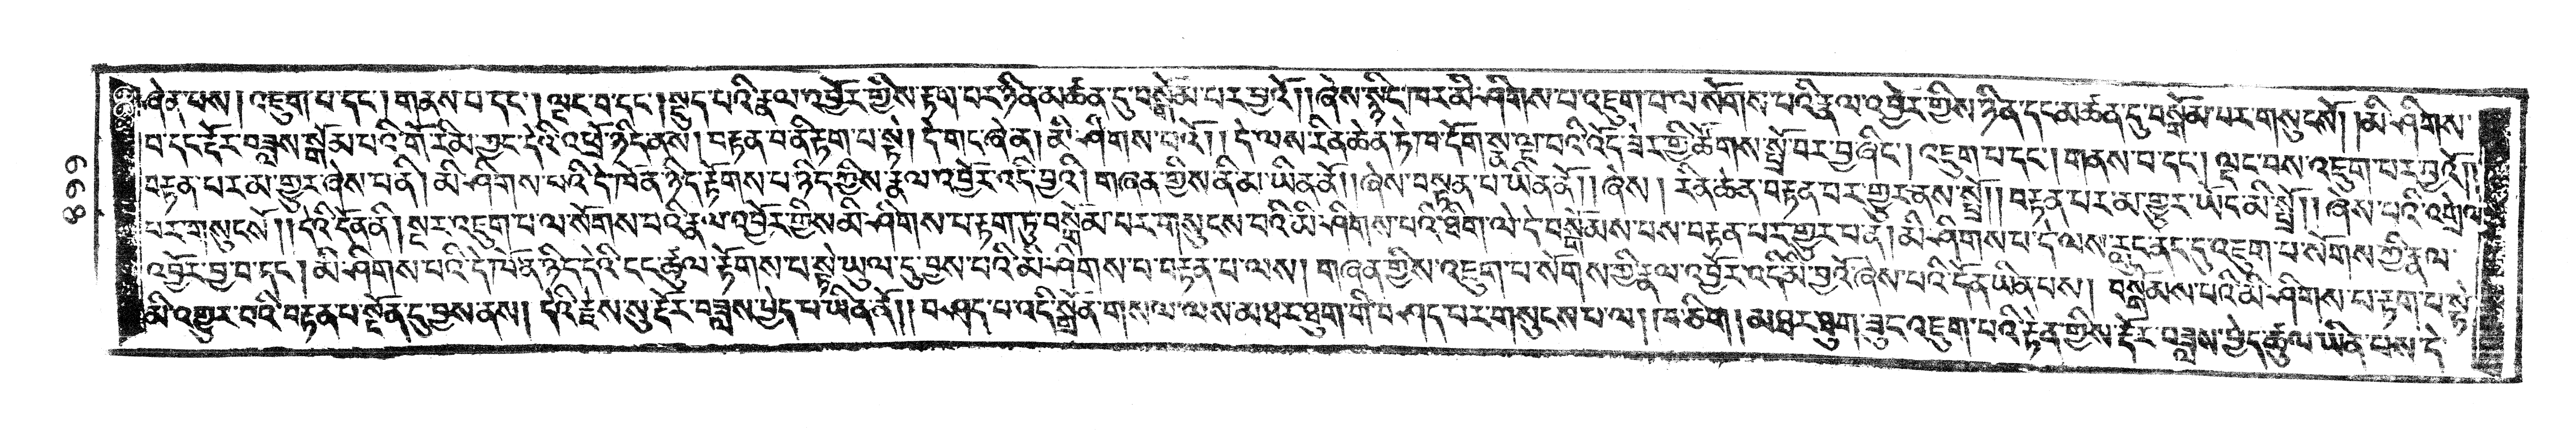ཞེན་པས། འཇུག་པ་དང་། གནས་པ་དང་། ལྡང་བ་དང་། སྡུད་པའི་རྣལ་འབྱོར་གྱིས་རྟག་པར་ཉིན་མཚན་དུ་བསྒོམ་པར་བྱའོ། །ཞེས་སྙིང་ཁར་མི་ཤིགས་པ་འཇུག་པ་ལ་སོགས་པའི་རྣལ་འབྱོར་གྱིས་ཉིན་དང་མཚན་དུ་བསྒོམ་པར་གསུངས་སོ། །མི་ཤིགས་
པ་དང་རྡོར་བཟླས་སྒོམ་པའི་གོ་རིམ་ཀྱང་དེའི་འཕྲོ་ཉིད་ནས། བརྟན་པ་ནི་རྟག་པ་སྟེ། དེ་གང་ཞེ་ན། མི་ཤིགས་པའོ། །དེ་ལས་རིན་ཆེན་ཏེ་ཁ་དོག་སྣ་ལྔ་པའི་འོད་ཟེར་གྱི་ཚོགས་སྤྲོ་བར་བྱ་ཞིང་། འཇུག་པ་དང་། གནས་པ་དང་། ལྡང་བས་འཇུག་པར་བྱའོ། །
བརྟན་པར་མ་གྱུར་ཞེས་པ་ནི། མི་ཤིགས་པའི་དེ་ཁོ་ན་ཉིད་རྟོགས་པ་ཉིད་ཀྱིས་རྣལ་འབྱོར་འདི་བྱའི། གཞན་གྱིས་ནི་མ་ཡིན་ནོ། །ཞེས་བསྟན་པ་ཡིན་ནོ། །ཞེས། རིན་ཆེན་བརྟན་པར་གྱུར་ནས་སྤྲོ། །བརྟན་པར་མ་གྱུར་ཡོང་མི་སྤྲོ། །ཞེས་པའི་འགྲེལ་
བར་གསུངས་སོ། །དེའི་དོན་ནི། སྔར་འཇུག་པ་ལ་སོགས་པའི་རྣལ་འབྱོར་གྱིས་མི་ཤིགས་པ་རྟག་ཏུ་བསྒོམ་པར་གསུངས་བའི་མི་ཤིགས་པའི་ཐིག་ལེ་དེ་བསྒོམས་པས་བརྟན་པར་གྱུར་པ་ན། མི་ཤིགས་པ་དེ་ལས་རླུང་ནང་དུ་འཇུག་པ་སོགས་ཀྱི་རྣལ་
འབྱོར་བྱ་བ་དང་། མི་ཤིགས་པའི་དེ་ཁོ་ན་ཉིད་དེའི་ངང་ཚུལ་རྟོགས་པ་སྟེ་ཡུལ་དུ་བྱས་པའི་མི་ཤིགས་པ་བརྟན་པ་ལས། གཞན་གྱིས་འཇུག་པ་སོགས་ཀྱི་རྣལ་འབྱོར་འདི་མི་བྱའོ་ཞེས་པའི་དོན་ཡིན་པས། བསྒོམས་པའི་མི་ཤིགས་པ་རྟག་པ་སྟེ་
མི་འགྱུར་བའི་བརྟན་པ་སྔོན་དུ་བྱས་ནས། དེའི་རྗེས་སུ་རྡོར་བཟླས་བྱེད་པ་ཡིན་ནོ། །བཤད་པ་འདི་སྒྲོན་གསལ་ལས་མཐར་ཐུག་གི་བཤད་པར་གསུངས་པ་ལ། ཁ་ཅིག །མཐར་ཐུག་ཟུང་འཇུག་པའི་རྟེན་གྱིས་རྡོར་བཟླས་བྱེད་ཚུལ་ཡིན་པས་དེ་